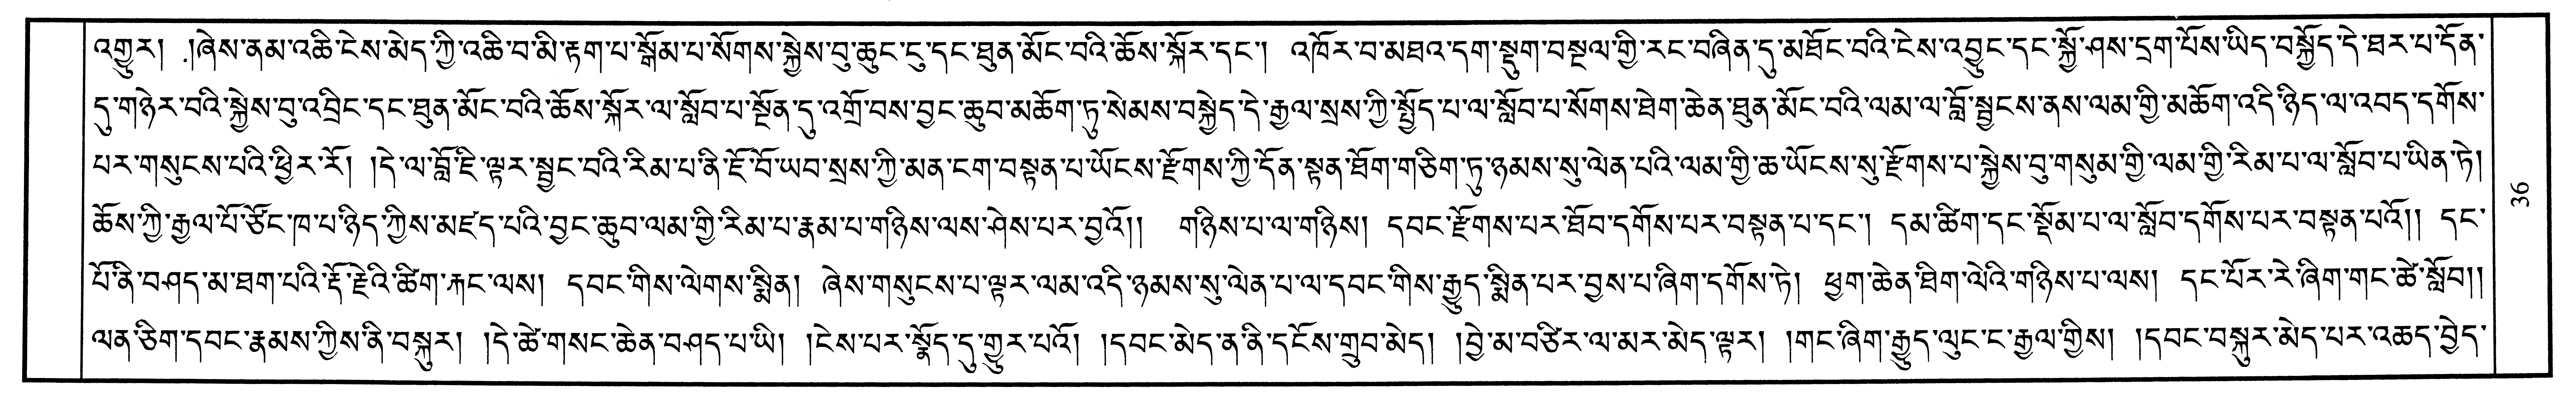འགྱུར། །ཞེས་ནམ་འཆི་ངེས་མེད་ཀྱི་འཆི་བ་མི་རྟག་པ་སྒོམ་པ་སོགས་སྐྱེས་བུ་ཆུང་ངུ་དང་ཐུན་མོང་བའི་ཆོས་སྐོར་དང་། འཁོར་བ་མཐའ་དག་སྡུག་བསྔལ་གྱི་རང་བཞིན་དུ་མཐོང་བའི་ངེས་འབྱུང་དང་སྐྱོ་ཤས་དྲག་པོས་ཡིད་བསྐྱོད་དེ་ཐར་པ་དོན་
དུ་གཉེར་བའི་སྐྱེས་བུ་འབྲིང་དང་ཐུན་མོང་བའི་ཆོས་སྐོར་ལ་སློབ་པ་སྔོན་དུ་འགྲོ་བས་བྱང་ཆུབ་མཆོག་ཏུ་སེམས་བསྐྱེད་དེ་རྒྱལ་སྲས་ཀྱི་སྤྱོད་པ་ལ་སློབ་པ་སོགས་ཐེག་ཆེན་ཐུན་མོང་བའི་ལམ་ལ་བློ་སྦྱངས་ནས་ལམ་གྱི་མཆོག་འདི་ཉིད་ལ་འབད་དགོས་
པར་གསུངས་པའི་ཕྱིར་རོ། །དེ་ལ་བློ་ཇི་ལྟར་སྦྱང་བའི་རིམ་པ་ནི་ཇོ་བོ་ཡབ་སྲས་ཀྱི་མན་ངག་བསྟན་པ་ཡོངས་རྫོགས་ཀྱི་དོན་སྟན་ཐོག་གཅིག་ཏུ་ཉམས་སུ་ལེན་པའི་ལམ་གྱི་ཆ་ཡོངས་སུ་རྫོགས་པ་སྐྱེས་བུ་གསུམ་གྱི་ལམ་གྱི་རིམ་པ་ལ་སློབ་པ་ཡིན་ཏེ།
ཆོས་ཀྱི་རྒྱལ་པོ་ཙོང་ཁ་པ་ཉིད་ཀྱིས་མཛད་པའི་བྱང་ཆུབ་ལམ་གྱི་རིམ་པ་རྣམ་པ་གཉིས་ལས་ཤེས་པར་བྱའོ།། གཉིས་པ་ལ་གཉིས། དབང་རྫོགས་པར་ཐོབ་དགོས་པར་བསྟན་པ་དང་། དམ་ཚིག་དང་སྡོམ་པ་ལ་སློབ་དགོས་པར་བསྟན་པའོ།། དང་
པོ་ནི་བཤད་མ་ཐག་པའི་རྡོ་རྗེའི་ཚིག་རྐང་ལས། དབང་གིས་ལེགས་སྨིན། ཞེས་གསུངས་པ་ལྟར་ལམ་འདི་ཉམས་སུ་ལེན་པ་ལ་དབང་གིས་རྒྱུད་སྨིན་པར་བྱས་པ་ཞིག་དགོས་ཏེ། ཕྱག་ཆེན་ཐིག་ལེའི་གཉིས་པ་ལས། དང་པོར་རེ་ཞིག་གང་ཚེ་སློབ།།
ལན་ཅིག་དབང་རྣམས་ཀྱིས་ནི་བསྐུར། །དེ་ཚེ་གསང་ཆེན་བཤད་པ་ཡི། །ངེས་པར་སྣོད་དུ་གྱུར་པའོ། །དབང་མེད་ན་ནི་དངོས་གྲུབ་མེད། །བྱེ་མ་བཙིར་ལ་མར་མེད་ལྟར། །གང་ཞིག་རྒྱུད་ལུང་ང་རྒྱལ་གྱིས། །དབང་བསྐུར་མེད་པར་འཆད་བྱེད་